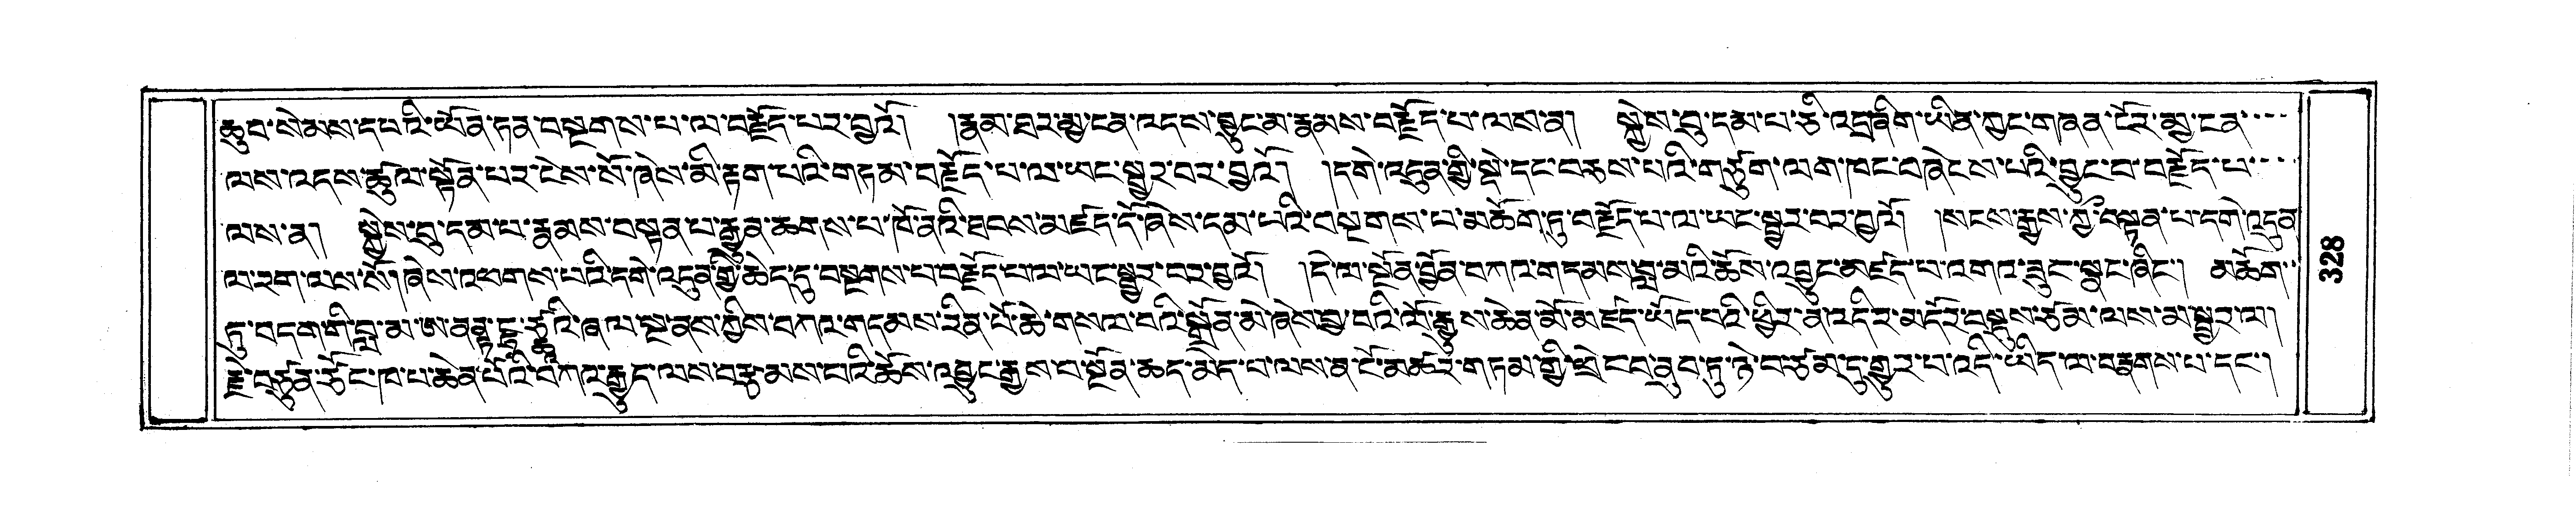ཆུབ་སེམས་དཔའི་ཡོན་ཏན་བསྔགས་པ་ལ་བརྗོད་པར་བྱའོ། །རྣམ་ཐར་མྱ་ངན་འདས་བྱུང་མ་རྣམས་བརྗོད་པ་ལས་ན། སྐྱེས་བུ་དམ་པ་ཅི་འདྲ་ཞིག་ཡིན་ཀྱང་གཞན་ངོར་མྱ་ངན་
ལས་འདས་ཚུལ་སྟོན་པར་ངེས་སོ་ཞེས་མི་རྟག་པའི་གཏམ་བརྗོད་པ་ལ་ཡང་སྦྱར་བར་བྱའོ། །དགེ་འདུན་གྱི་སྡེ་དང་བཅས་པའི་གཙུག་ལག་ཁང་བཞེངས་པའི་བྱུང་བ་བརྗོད་པ་
ལས་ན། སྐྱེས་བུ་དམ་པ་རྣམས་བསྟན་པ་རྒྱུན་ཆགས་པ་ཁོ་ནའི་ཐབས་མཛད་དོ་ཞེས་དམ་པའི་བསྔགས་པ་མཆོག་ཏུ་བརྗོད་པ་ལ་ཡང་སྦྱར་བར་བྱའོ། །སངས་རྒྱས་ཀྱྀ་བསྟན་པ་དགེ་འདུན་
ལ་རག་ལས་སོ། ཞེས་འཕགས་པའི་དགེ་འདུན་གྱི་ཆེད་དུ་བསྔགས་པ་བརྗོད་པ་ལ་ཡང་སྦྱར་བར་བྱའོ། །དེ་ལ་སྔོན་བྱོན་བཀའ་གདམས་བླ་མའི་ཆོས་འབྱུང་མཛད་པ་འགའ་ཟུང་སྣང་ཞིང་། མཆོག་
ཏུ་བདག་གི་བླ་མ་ཨ་ནནྟ་ངྷ་ཙྪའིའ་ཞལ་སྔ་ནས་ཀྱིས་བཀའ་གདམས་རིན་པོ་ཆེ་གསལ་བའི་སྒྲོན་མེ་ཞེས་བྱ་བའི་ལོ་རྒྱུས་ཆེན་མོ་མཛད་ཡོད་པའི་ཕྱིར་ན་འདིར་མདོར་བསྡུས་ཙམ་ལས་མ་སྦྱར་ལ།
རྗེ་བཙུན་ཙོང་ཁ་པ་ཆེན་པོའི་བཀའ་རྒྱུད་ལས་བརྩམས་པའི་ཆོས་འབྱུང་རྒྱས་བ་སྔོན་ཆད་མེད་པ་ལས་ན་ངོ་མཚར་གཏམ་གྱི་ཕྲེང་བ་ནུབ་ཏུ་ཉེ་བ་ཙམ་དུ་གྱུར་པ་འདི་ཡིད་ལ་བརྣགས་པ་དང་།